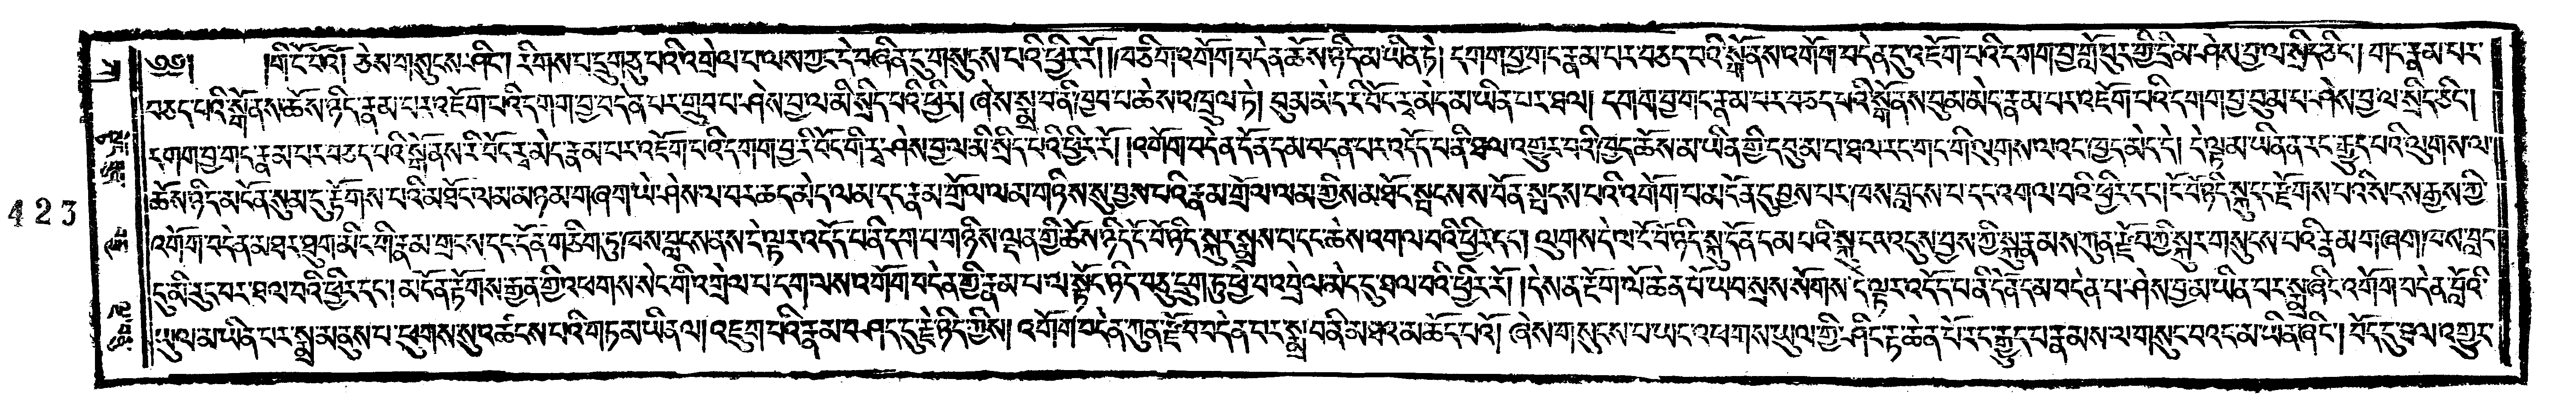༄༅། །གི་ངོ་བོའོ། ཅེས་གསུངས་ཤིང་། རིགས་པ་དྲུག་ཅུ་པའི་འགྲེལ་བ་ལས་ཀྱང་དེ་བཞིན་དུ་གསུངས་པའི་ཕྱིར་རོ། །ཁ་ཅིག་འགོག་བདེན་ཆོས་ཉིད་མ་ཡིན་ཏེ། དགག་བྱ་གང་རྣམ་པར་བཅད་པའི་སྒོ་ནས་འགོག་བདེན་དུ་འཇོག་པའི་དགག་བྱ་གློ་བུར་གྱི་དྲུ་མ་ཤེས་བྱ་ལ་སྲིད་ཅིང་། གང་རྣམ་པར་
བཅད་པའི་སྒོ་ནས་ཆོས་ཉིད་རྣམ་པར་འཇོག་པའི་དགག་བྱ་བདེན་པར་གྲུབ་པ་ཤེས་བྱ་ལ་མི་སྲིད་པའི་ཕྱིར། ཞེས་སྨྲ་བ་ནི་ཁྱབ་པ་ཆེས་འཁྲུལ་ཏེ། བུམ་མེད་རི་བོང་རྭ་མེད་མ་ཡིན་པར་ཐལ། དགག་བྱ་གང་རྣམ་པར་བཅད་པའི་སྒོ་ནས་བུམ་མེད་རྣམ་པར་འཇོག་པའི་དགག་བྱ་བུམ་པ་ཤེས་བྱ་ལ་སྲིད་ཅིང་།
དགག་བྱ་གང་རྣམ་པར་བཅད་པའི་སྒོ་ནས་རི་བོང་རྭ་མེད་རྣམ་པར་འཇོག་པའི་དགག་བྱ་རི་བོད་གི་རྭ་ཤེས་བྱ་ལ་མི་སྲིད་པའི་ཕྱིར་རོ། །འགོག་བདེན་དོན་དམ་བདེན་པར་འདོད་པ་ནི་ཐལ་འགྱུར་བའི་ཁྱད་ཆོས་མ་ཡིན་གྱི་དབུ་མ་བ་ཐལ་རང་གང་གི་ལུགས་ལའང་ཁྱད་མེད་དེ། དེ་ལྟ་མ་ཡིན་ན་རང་རྒྱུད་བའི་ལུགས་ལ་
ཆོས་ཉིད་མངོན་སུམ་དུ་རྟོགས་པའི་མཐོང་ལམ་མཉམ་གཞག་ཡེ་ཤེས་ལ་བར་ཆད་མེད་ལམ་དང་རྣམ་གྲོལ་ལམ་གཉིས་སུ་བྱས་པའི་རྣམ་གྲོལ་ལམ་གྱིས་མཐོང་སྤངས་ས་བོན་སྤངས་པའི་འགོག་བ་མངོན་དུ་བྱས་པར་ཁས་བླངས་པ་དང་འགལ་བའི་ཕྱིར་དང་། ངོ་བོ་ཉིད་སྐུ་དང་རྫོགས་པའི་སངས་རྒྱས་ཀྱི་
འགོག་བདེན་མཐར་ཐུག་མིང་གི་རྣམ་གྲངས་དང་དོན་གཅིག་ཏུ་ཁས་བླངས་ནས་དེ་ལྟར་འདོད་པ་ནི་དག་བ་གཉིས་ལྡན་གྱི་ཆོས་ཉིད་ངོ་བོ་ཉིད་སྐུར་སྨྲས་པ་དང་ཆེས་འགལ་བའི་ཕྱིར་དང་། ལུགས་དེ་ལ་ངོ་བོ་ཉིད་སྐུ་དོན་དམ་པའི་སྐུ་དང་འདུས་བྱས་ཀྱི་སྐུ་རྣམས་ཀུན་སྐུ་རྣམས་ཀུན་རྫོབ་ཀྱི་སྐུར་གསུངས་བའི་རྣམ་གཞག་ཁས་བླང་
དུ་མི་རུང་བར་ཐལ་བའི་ཕྱིར་དང་། མངོན་རྟོགས་རྒྱན་གྱི་འཕགས་སེང་གི་འགྲེལ་བདག་ལས་འགོག་བདེན་གྱི་རྣམ་པ་ལ་སྟོང་ཉིད་བཅུ་དྲུག་ཏུ་ཕྱ་བ་འབྲེལ་དུ་ཐལ་བའི་ཕྱིར་རོ། །དེས་ན་རྔོག་ལོ་ཆེན་པོ་ཡབ་སྲས་སོགས་དེ་ལྟར་འདོད་བ་ནི་དོན་དམ་བདེན་པ་ཤེས་བྱ་མ་ཡིན་པར་སྨྲ་ཞིང་འགོག་བདེན་བློའི་
ཡུལ་མ་ཡིན་པར་སྨྲ་མ་ནུས་པ་ཕུགས་སུ་འཚངས་པའི་གཏམ་ཡིན་ལ། འཇུག་པའི་རྣམ་བཤད་དུ་རྗེ་ཉིད་ཀྱིས། འགོག་བདེན་ཀུན་རྫོབ་བདེན་པར་སྨྲ་བ་ནི་མཐའ་མཆོད་པའོ། ཞེས་གསུངས་པ་ཡང་འཕགས་ཡུལ་གྱི་ཤིང་རྟ་ཆེན་པོ་རང་རྒྱུད་པ་རྣམས་ལ་གསུངས་པའང་མ་ཡིན་ཞིང་། སོད་དུ་ཐལ་འགྱུར་